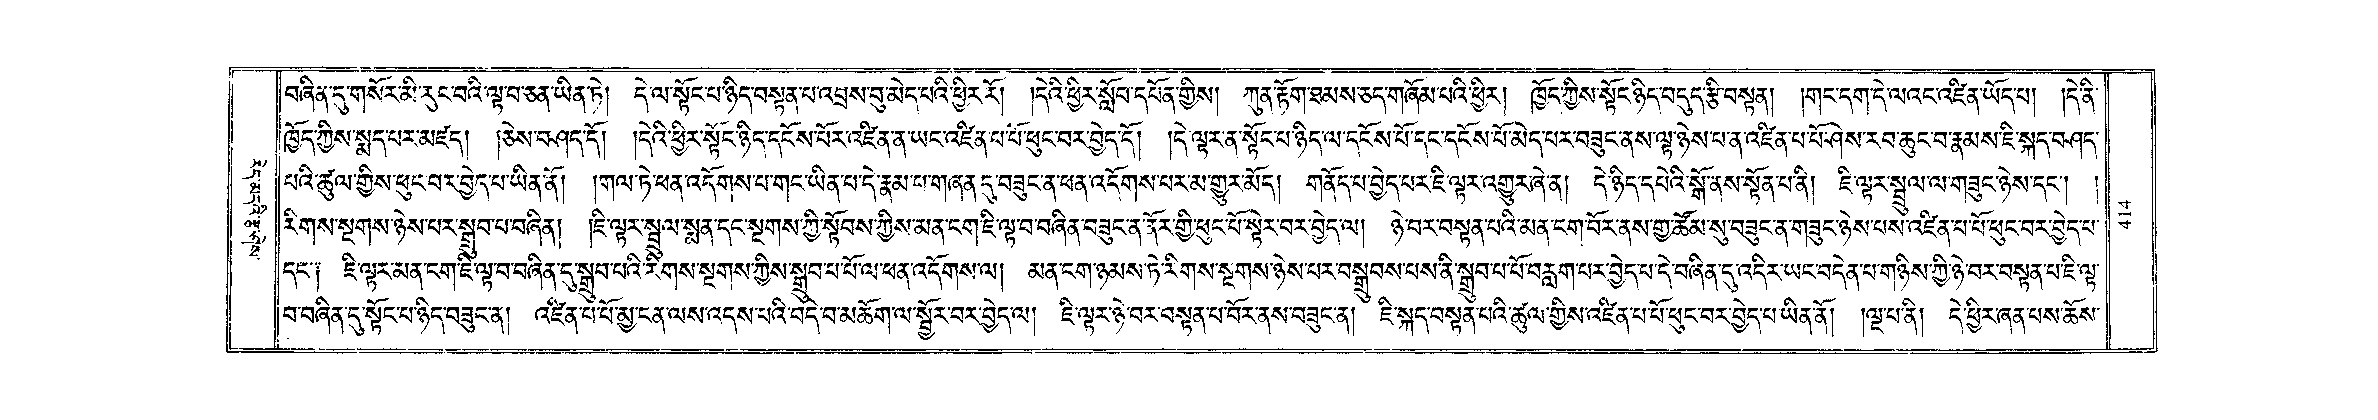བཞིན་དུ་གསོར་མི་རུང་བའི་ལྟ་བ་ཅན་ཡིན་ཏེ། དེ་ལ་སྟོང་པ་ཉིད་བསྟན་པ་འབྲས་བུ་མེད་པའི་ཕྱིར་རོ། །དེའི་ཕྱིར་སློབ་དཔོན་གྱིས། ཀུན་རྟོག་ཐམས་ཅད་གཞོམ་པའི་ཕྱིར། ཁྱོད་ཀྱིས་སྟོང་ཉིད་བདུད་རྩི་བསྟན། །གང་དག་དེ་ལའང་འཛིན་ཡོད་པ། །དེ་ནི་
ཁྱོད་ཀྱིས་སྨད་པར་མཛད། །ཅེས་བཤད་དོ། །དེའི་ཕྱིར་སྟོང་ཉིད་དངོས་པོར་འཛིན་ན་ཡང་འཛིན་པ་པོ་ཕུང་བར་བྱེད་དོ། །དེ་ལྟར་ན་སྟོང་པ་ཉིད་ལ་དངོས་པོ་དང་དངོས་པོ་མེད་པར་བཟུང་ནས་ལྟ་ཉེས་པ་ན་འཛིན་པ་པོ་ཤེས་རབ་ཆུང་བ་རྣམས་ཇི་སྐད་བཤད་
པའི་ཚུལ་གྱིས་ཕུང་བར་བྱེད་པ་ཡིན་ནོ། །གལ་ཏེ་ཕན་འདོགས་པ་གང་ཡིན་པ་དེ་རྣམ་པ་གཞན་དུ་བཟུང་ན་ཕན་འདོགས་པར་མ་གྱུར་མོད། གནོད་པ་བྱེད་པར་ཇི་ལྟར་འགྱུར་ཞེ་ན། དེ་ཉིད་དཔེའི་སྒོ་ནས་སྟོན་པ་ནི། ཇི་ལྟར་སྦྲུལ་ལ་གཟུང་ཉེས་དང་། །
རིགས་སྔགས་ཉེས་པར་སྒྲུབ་པ་བཞིན། །ཇི་ལྟར་སྦྲུལ་སྨན་དང་སྔགས་ཀྱི་སྟོབས་ཀྱིས་མན་ངག་ཇི་ལྟ་བ་བཞིན་བཟུང་ན་ནོར་གྱི་ཕུང་པོ་སྟེར་བར་བྱེད་ལ། ཉེ་བར་བསྟན་པའི་མན་ངག་བོར་ནས་གྱ་ཚོམ་སུ་བཟུང་ན་གཟུང་ཉེས་པས་འཛིན་པ་པོ་ཕུང་བར་བྱེད་པ་
དང༑ ཇི་ལྟར་མན་ངག་ཇི་ལྟ་བ་བཞིན་དུ་སྒྲུབ་པའི་རིགས་སྔགས་ཀྱིས་སྒྲུབ་པ་པོ་ལ་ཕན་འདོགས་ལ། མན་ངག་ཉམས་ཏེ་རིགས་སྔགས་ཉེས་པར་བསྒྲུབས་པས་ནི་སྒྲུབ་པ་པོ་བརླག་པར་བྱེད་པ་དེ་བཞིན་དུ་འདིར་ཡང་བདེན་པ་གཉིས་ཀྱི་ཉེ་བར་བསྟན་པ་ཇི་ལྟ་
བ་བཞིན་དུ་སྟོང་པ་ཉིད་བཟུང་ན། འཛིན་པ་པོ་མྱ་ངན་ལས་འདས་པའི་བདེ་བ་མཆོག་ལ་སྦྱོར་བར་བྱེད་ལ། ཇི་ལྟར་ཉེ་བར་བསྟན་པ་བོར་ནས་བཟུང་ན། ཇི་སྐད་བསྟན་པའི་ཚུལ་གྱིས་འཛིན་པ་པོ་ཕུང་བར་བྱེད་པ་ཡིན་ནོ། །ལྔ་པ་ནི། དེ་ཕྱིར་ཞན་པས་ཆོས་